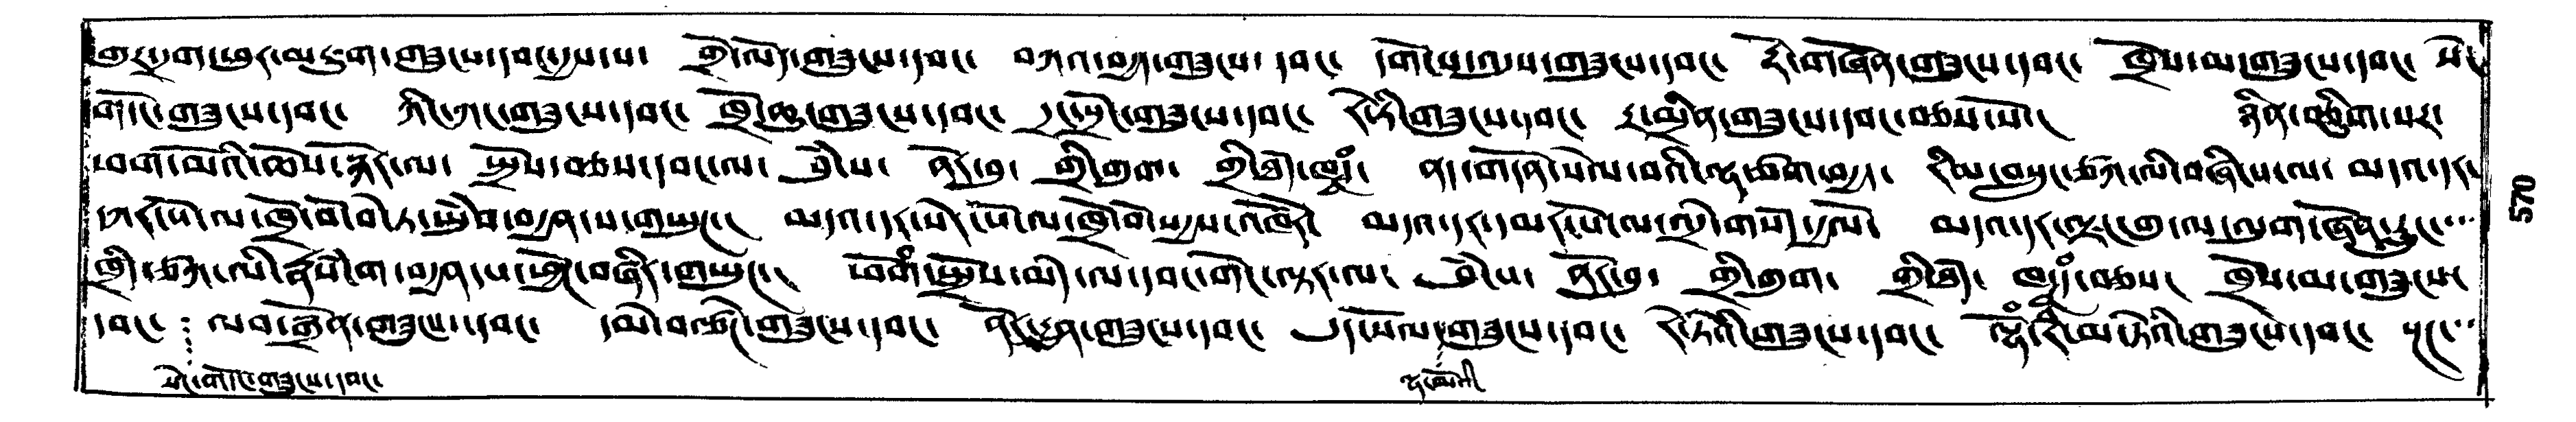གུར་དྲག་ཕུར་མཇུག་གཟུངས་དབང་རྒྱས་པ། གྲོ་ལོད་གཟུངས་དབང་། བཀའ་བརྒྱད་གཟུངས་དབང་། དགོངས་འདུས་གཟུངས་དབང་། རྡོ་གཞོན་གཟུངས་དབང་། ཁྲོས་མ་གཟུངས་དབང་། སེང་
གདོང་གཟུངས་དབང་། ཀིང་ཀང་གཟུངས་དབང་། ཁྲོ་ཆུ་གཟུངས་དབང་། དྲང་སྲོང་གཟུངས་དབང་། རེ་ཏི་གཟུངས་དབང་། རྟ་མགྲིན་གཟུངས་དབང་བཅས་སོ།། ཉིན་བཅུ་གཅིག་པར་
ཕག་མོའི་ཆོས་སྐོར་ལ། སྤྲོས་བཅས་དབང་ལ། བུམ་པ། ནོར་བུ། གྲི་གུག། གྲི་ཐོད། ཁ་ཊཾ། ནད་གདོན་སེལ་བའི་ལྷ་ཙཀ་བརྒྱད། རིམ་སྲུང་ཙཀ་ལི་བཞི་པ་ལ། མདའ་དར་
དཀར་པོ་ལ་ཁྲོ་བོ་བེ་ཏ་ཡབ་ཡུམ་བརྒྱན་པ་གཡུགས། མདའ་དར་སེར་པོ་ལ་ཁྲོ་བོ་སངས་རྒྱས་འཁོར་ལོ། མདའ་དར་དམར་པོ་ལ་འདྲེ་གསོད་རྒྱལ་པོ། མདའ་དར་ལྗང་གུ་ལ་ལུག་བཞོན་རླུང་
ཁྲིད་ཙཀ་ལི་རྣམས་ཀྱི་བརྒྱན་པ་ཕྱོགས་བཞིར་གཡུགས། ཕག་མོ་སྤྲོས་མེད་ལ་དབང་གོང་ལྟར་ལ། བུམ་པ། ནོར་བུ། གྲི་གུག གྲི་ཐོད། ཁ་ཊྭཾ་བཅས། ཁྲོས་མ་གཟུངས་དབང་། སེང་གདོང་གཟུངས་
དབང་། ལབ་སྒྲོན་གཟུངས་དབང་། དམེ་བརྩེགས་གཟུངས་དབང་། ནོར་རྒྱུན་གཟུངས་དབང་། དུད་སོལ་ལྷ་མོའི་གཟུངས་དབང་། རེ་ཏིའི་གཟུངས་དབང་། ལྷ་མོ་རི་མ་ཏིའི་གཟུངས་དབང་། སྔགས་